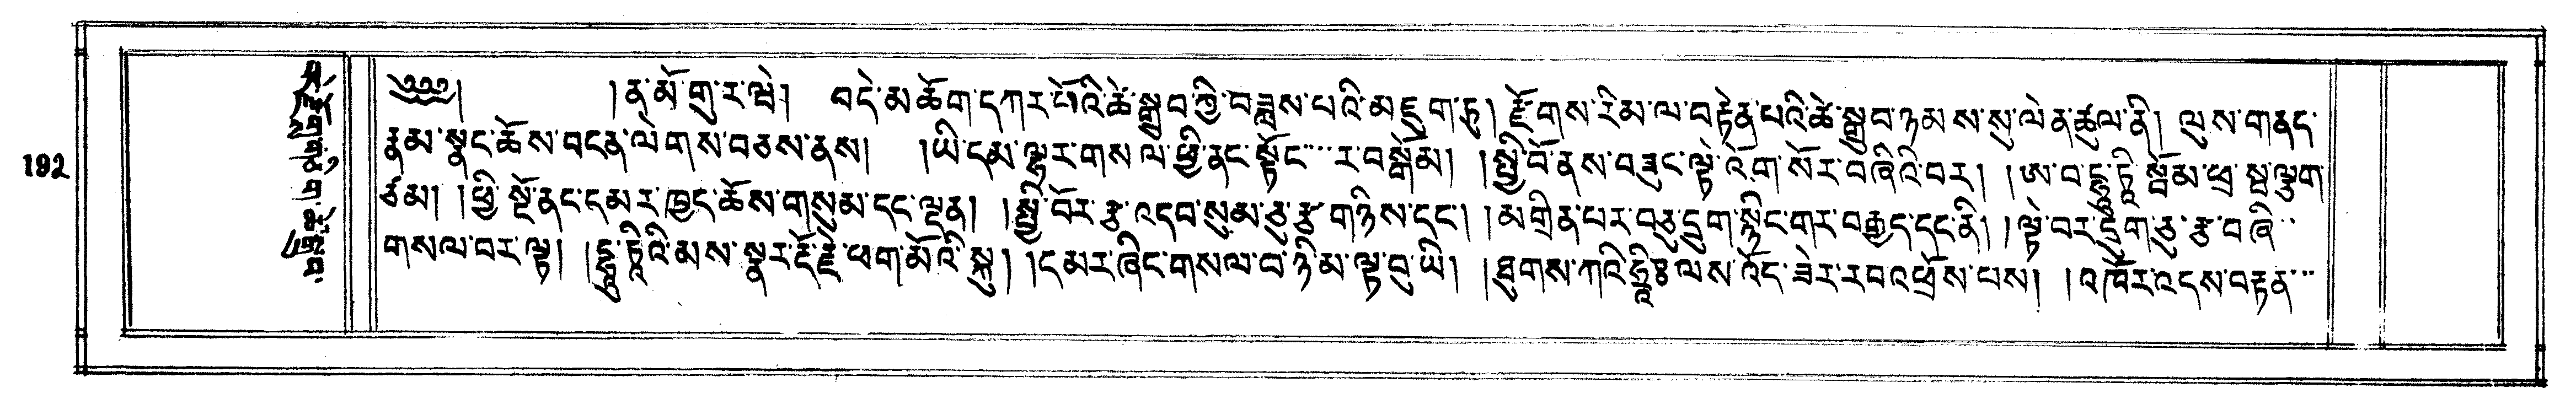༄༅། །ན་མོ་གུ་ར་ཝེ། བདེ་མཆོག་དཀར་པོའི་ཚེ་སྒྲུབ་ཀྱི་བཟླས་པའི་མཇུག་ཏུ། རྫོགས་རིམ་ལ་བརྟེན་པའི་ཚེ་སྒྲུབ་ཉམས་སུ་ལེན་ཚུལ་ནི། ལུས་གནད་
རྣམ་སྣང་ཆོས་བདན་ལེགས་བཅས་ནས། །ཡི་དམ་ལྷར་གསལ་ཕྱི་ནང་སྟོང་ར་བསྒོམ། །སྤྱི་བོ་ནས་བཟུང་ལྟེ་འོག་སོར་བཞིའི་བར། །ཨ་བ་དྷཱུ་ཏཱི་སྦོམ་ཕྲ་སྦ་ལྕག་
ཙམ། །ཕྱི་སྔོ་ནང་དམར་ཁྱད་ཆོས་གསུམ་དང་ལྡན། །སྤྱི་བོར་རྩ་འདབ་སུམ་ཅུ་རྩ་གཉིས་དང་། །མགྲིན་པར་བཅུ་དྲུག་སྙིང་གར་བརྒྱད་དང་ནི། །ལྟེ་བར་དྲུག་ཅུ་རྩ་བཞི་
གསལ་བར་ལྟ། །དྷཱུ་ཏཱིའི་མས་སྣར་རྡོ་རྗེ་ཕག་མོའི་སྐུ། །དམར་ཞིང་གསལ་བ་ཉི་མ་ལྟ་བུ་ཡི། །ཐུགས་ཀའི་ཧྲཱིཿ ལས་འོད་ཟེར་རབ་འཕྲོས་པས། །འཁོར་འདས་བརྟན་